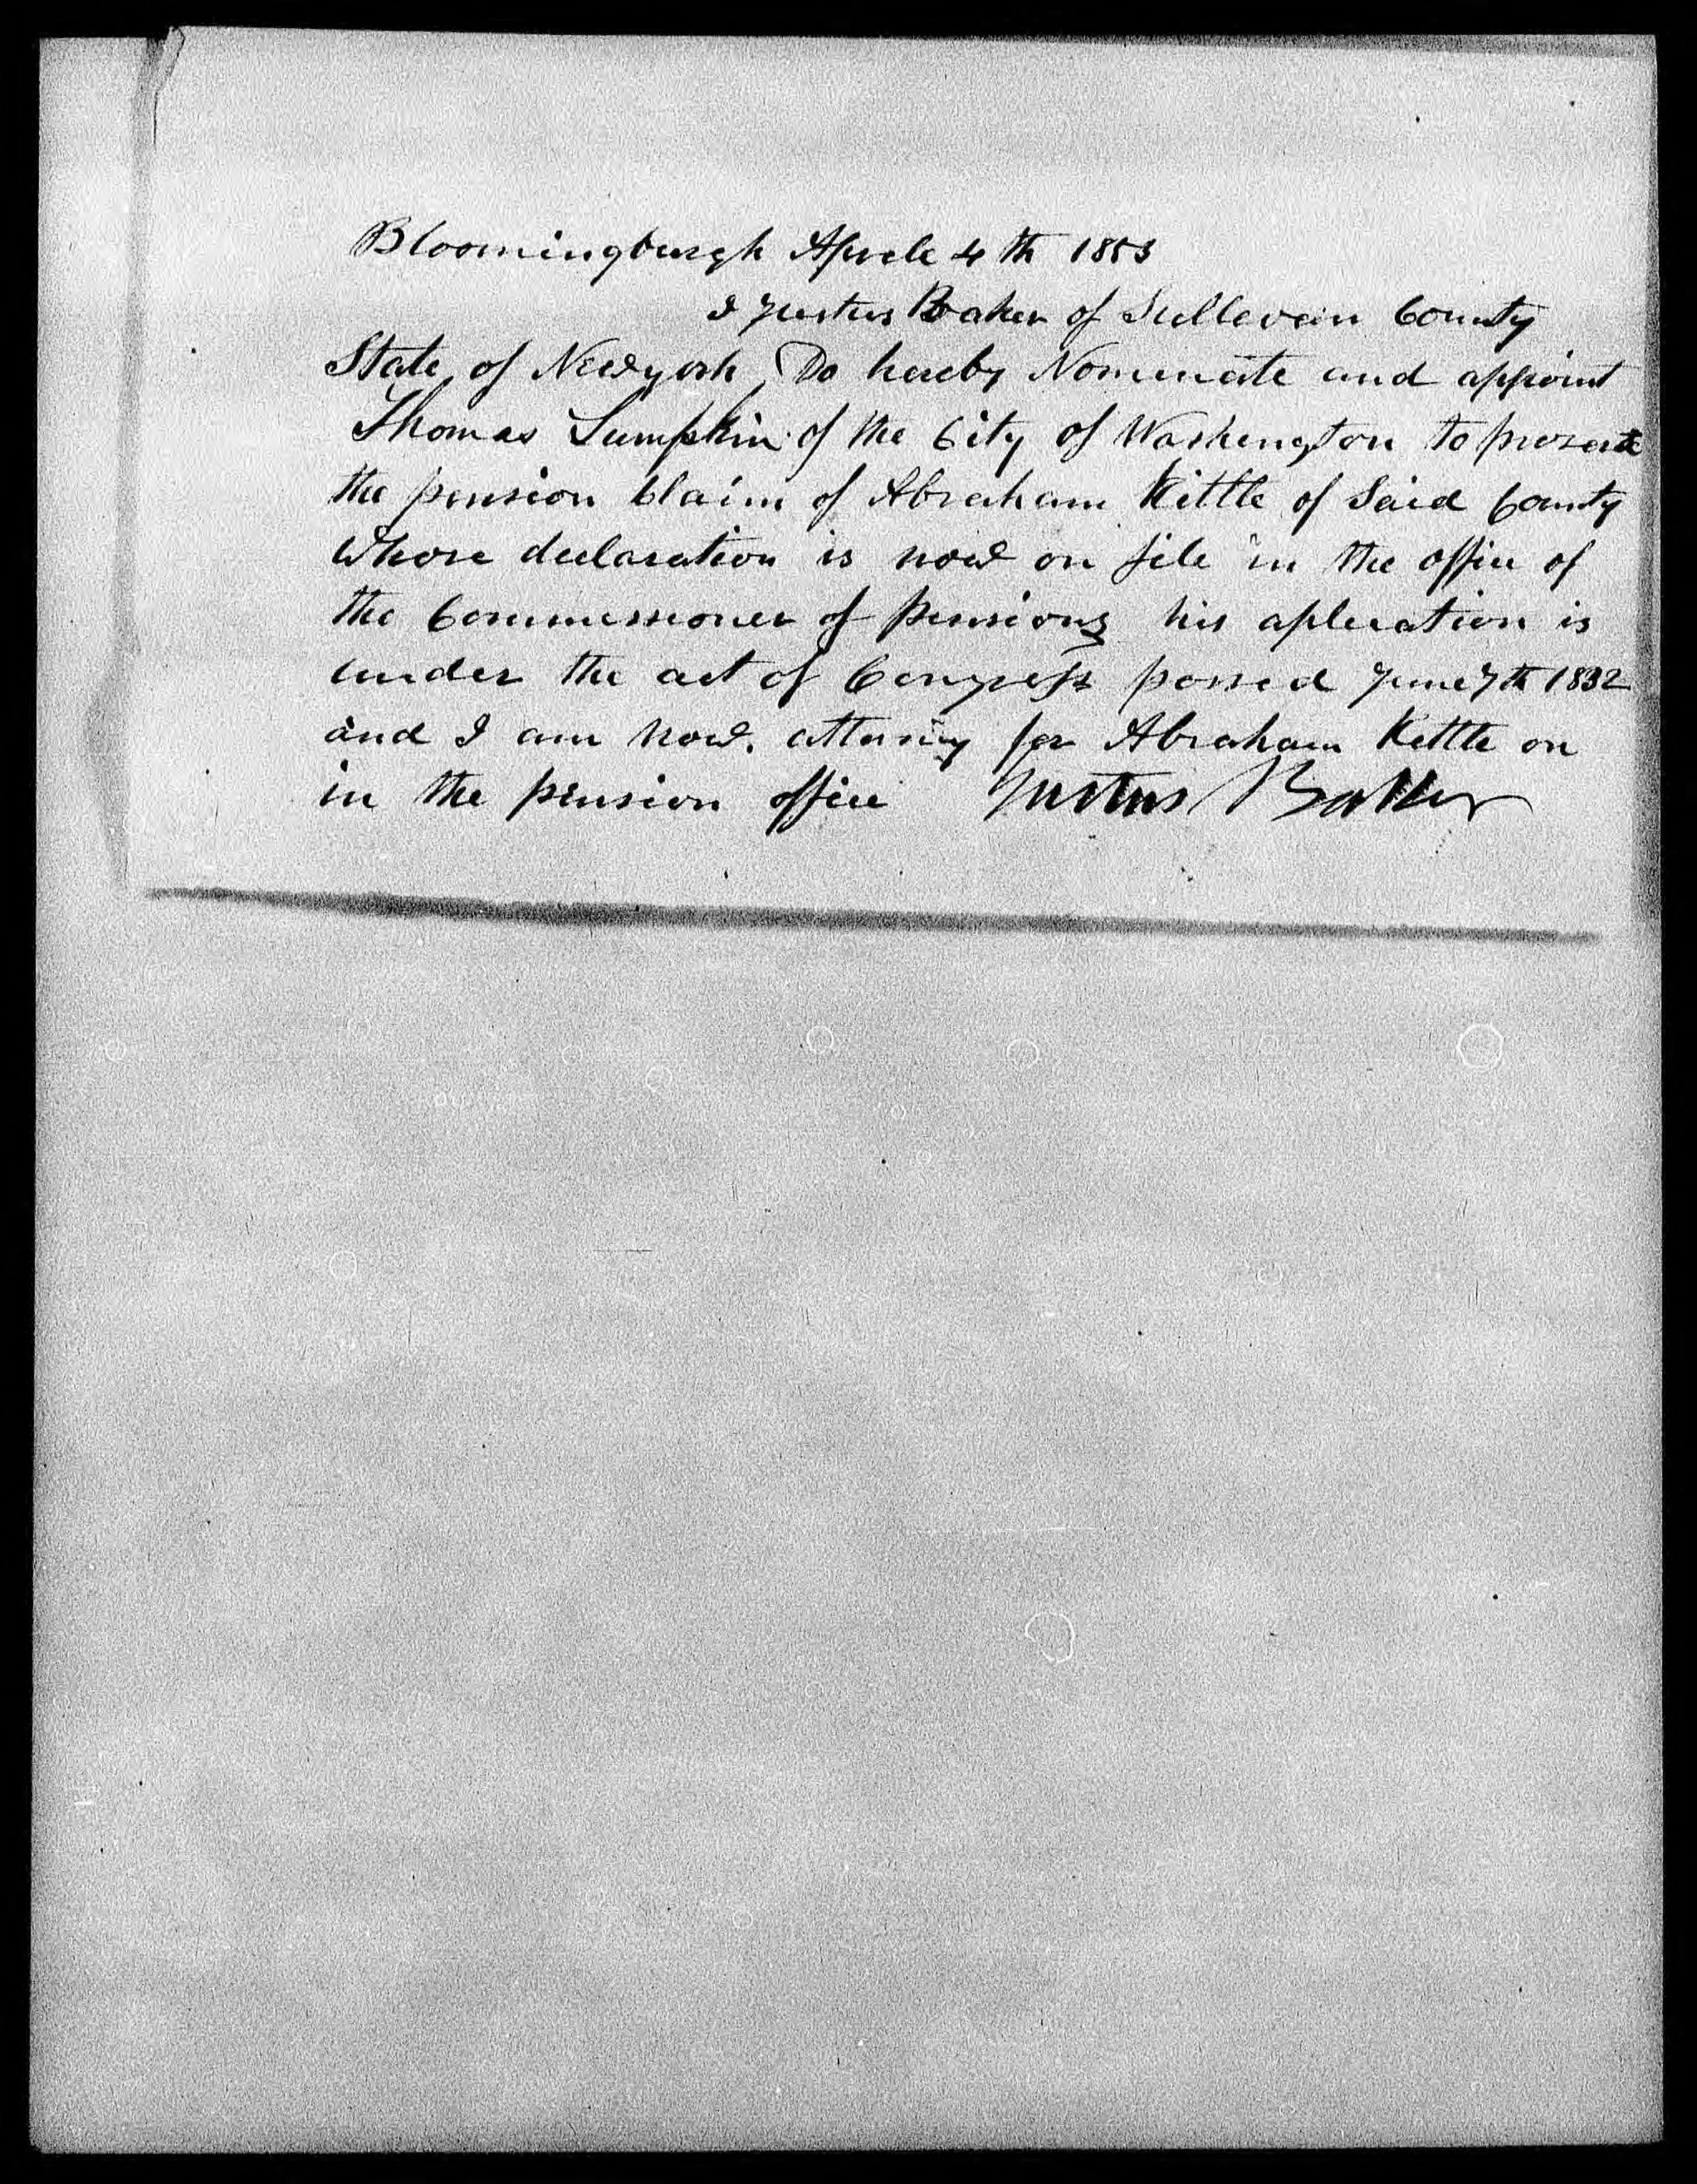Bloomingburgh April 4th 1853
 I Justice Baker of Sullivan County 
State of New York Do hereby Nominate and appoint Thomas Lumpkin of the City of Washington to present the pension claim of Abraham Kittle of said County whose declaration is now on file in the office of the Commissioner of pensions his aplication is under the act of Congress passed June 7th 1832 and I am now attorney for Abraham Kittle on in the pension office.
 Justus Baker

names: Justus Baker; Abraham Kittle; Thomas Lumpkin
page: 10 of 18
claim: rejected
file: R. 6002, for Abraham Kittle, New York